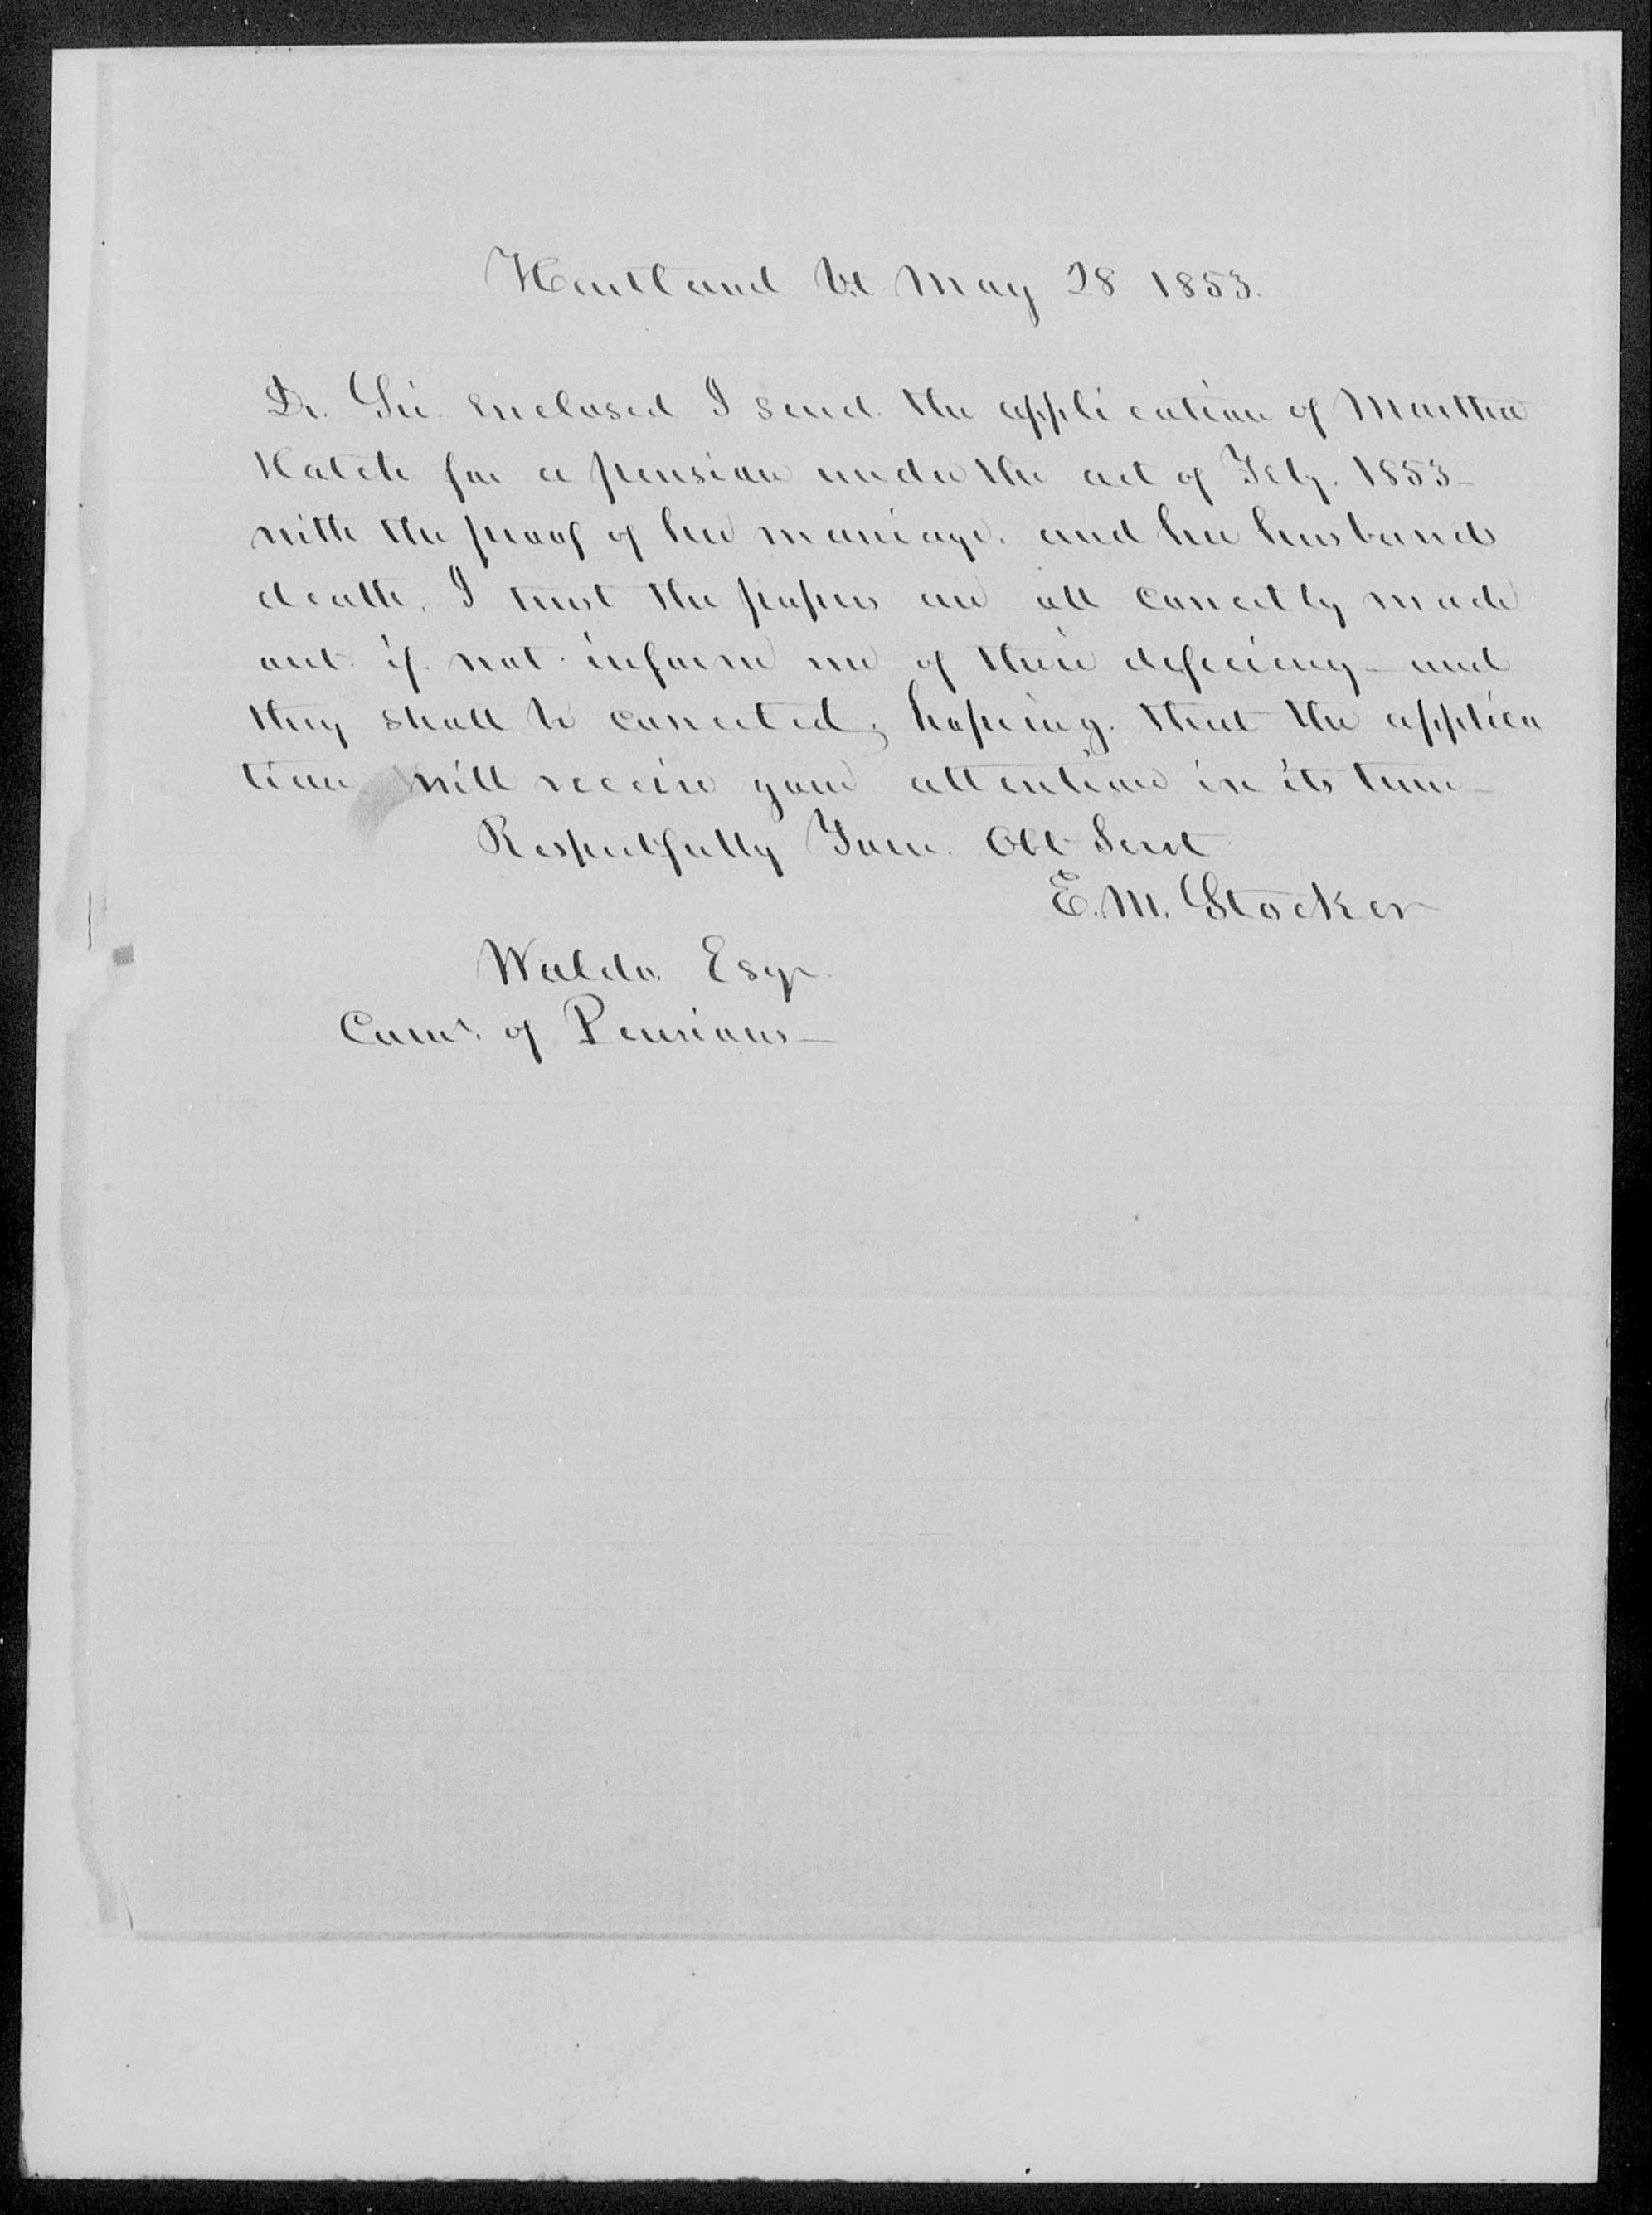[handwritten]  Hartland V.t. May 28 1853
Dr. Sir inclosed I send the application of Martha Hatch for a pension under the act of July 1853 _ with the proof of her marriage. and her husband death. I trust the papers are all correctly made and if not inform me of their deficiency -- and they shall be corrected. hopeing that the application will receive your attention in its time --
Respectfully Your Obedient
E. M. Stocker
Waldo Esq.
Com^. of Pensions --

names: Martha Hatch, Waldo, E M Stocker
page: 24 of 47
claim: widow's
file: W. 225, Gilbert Hatch, Conn.